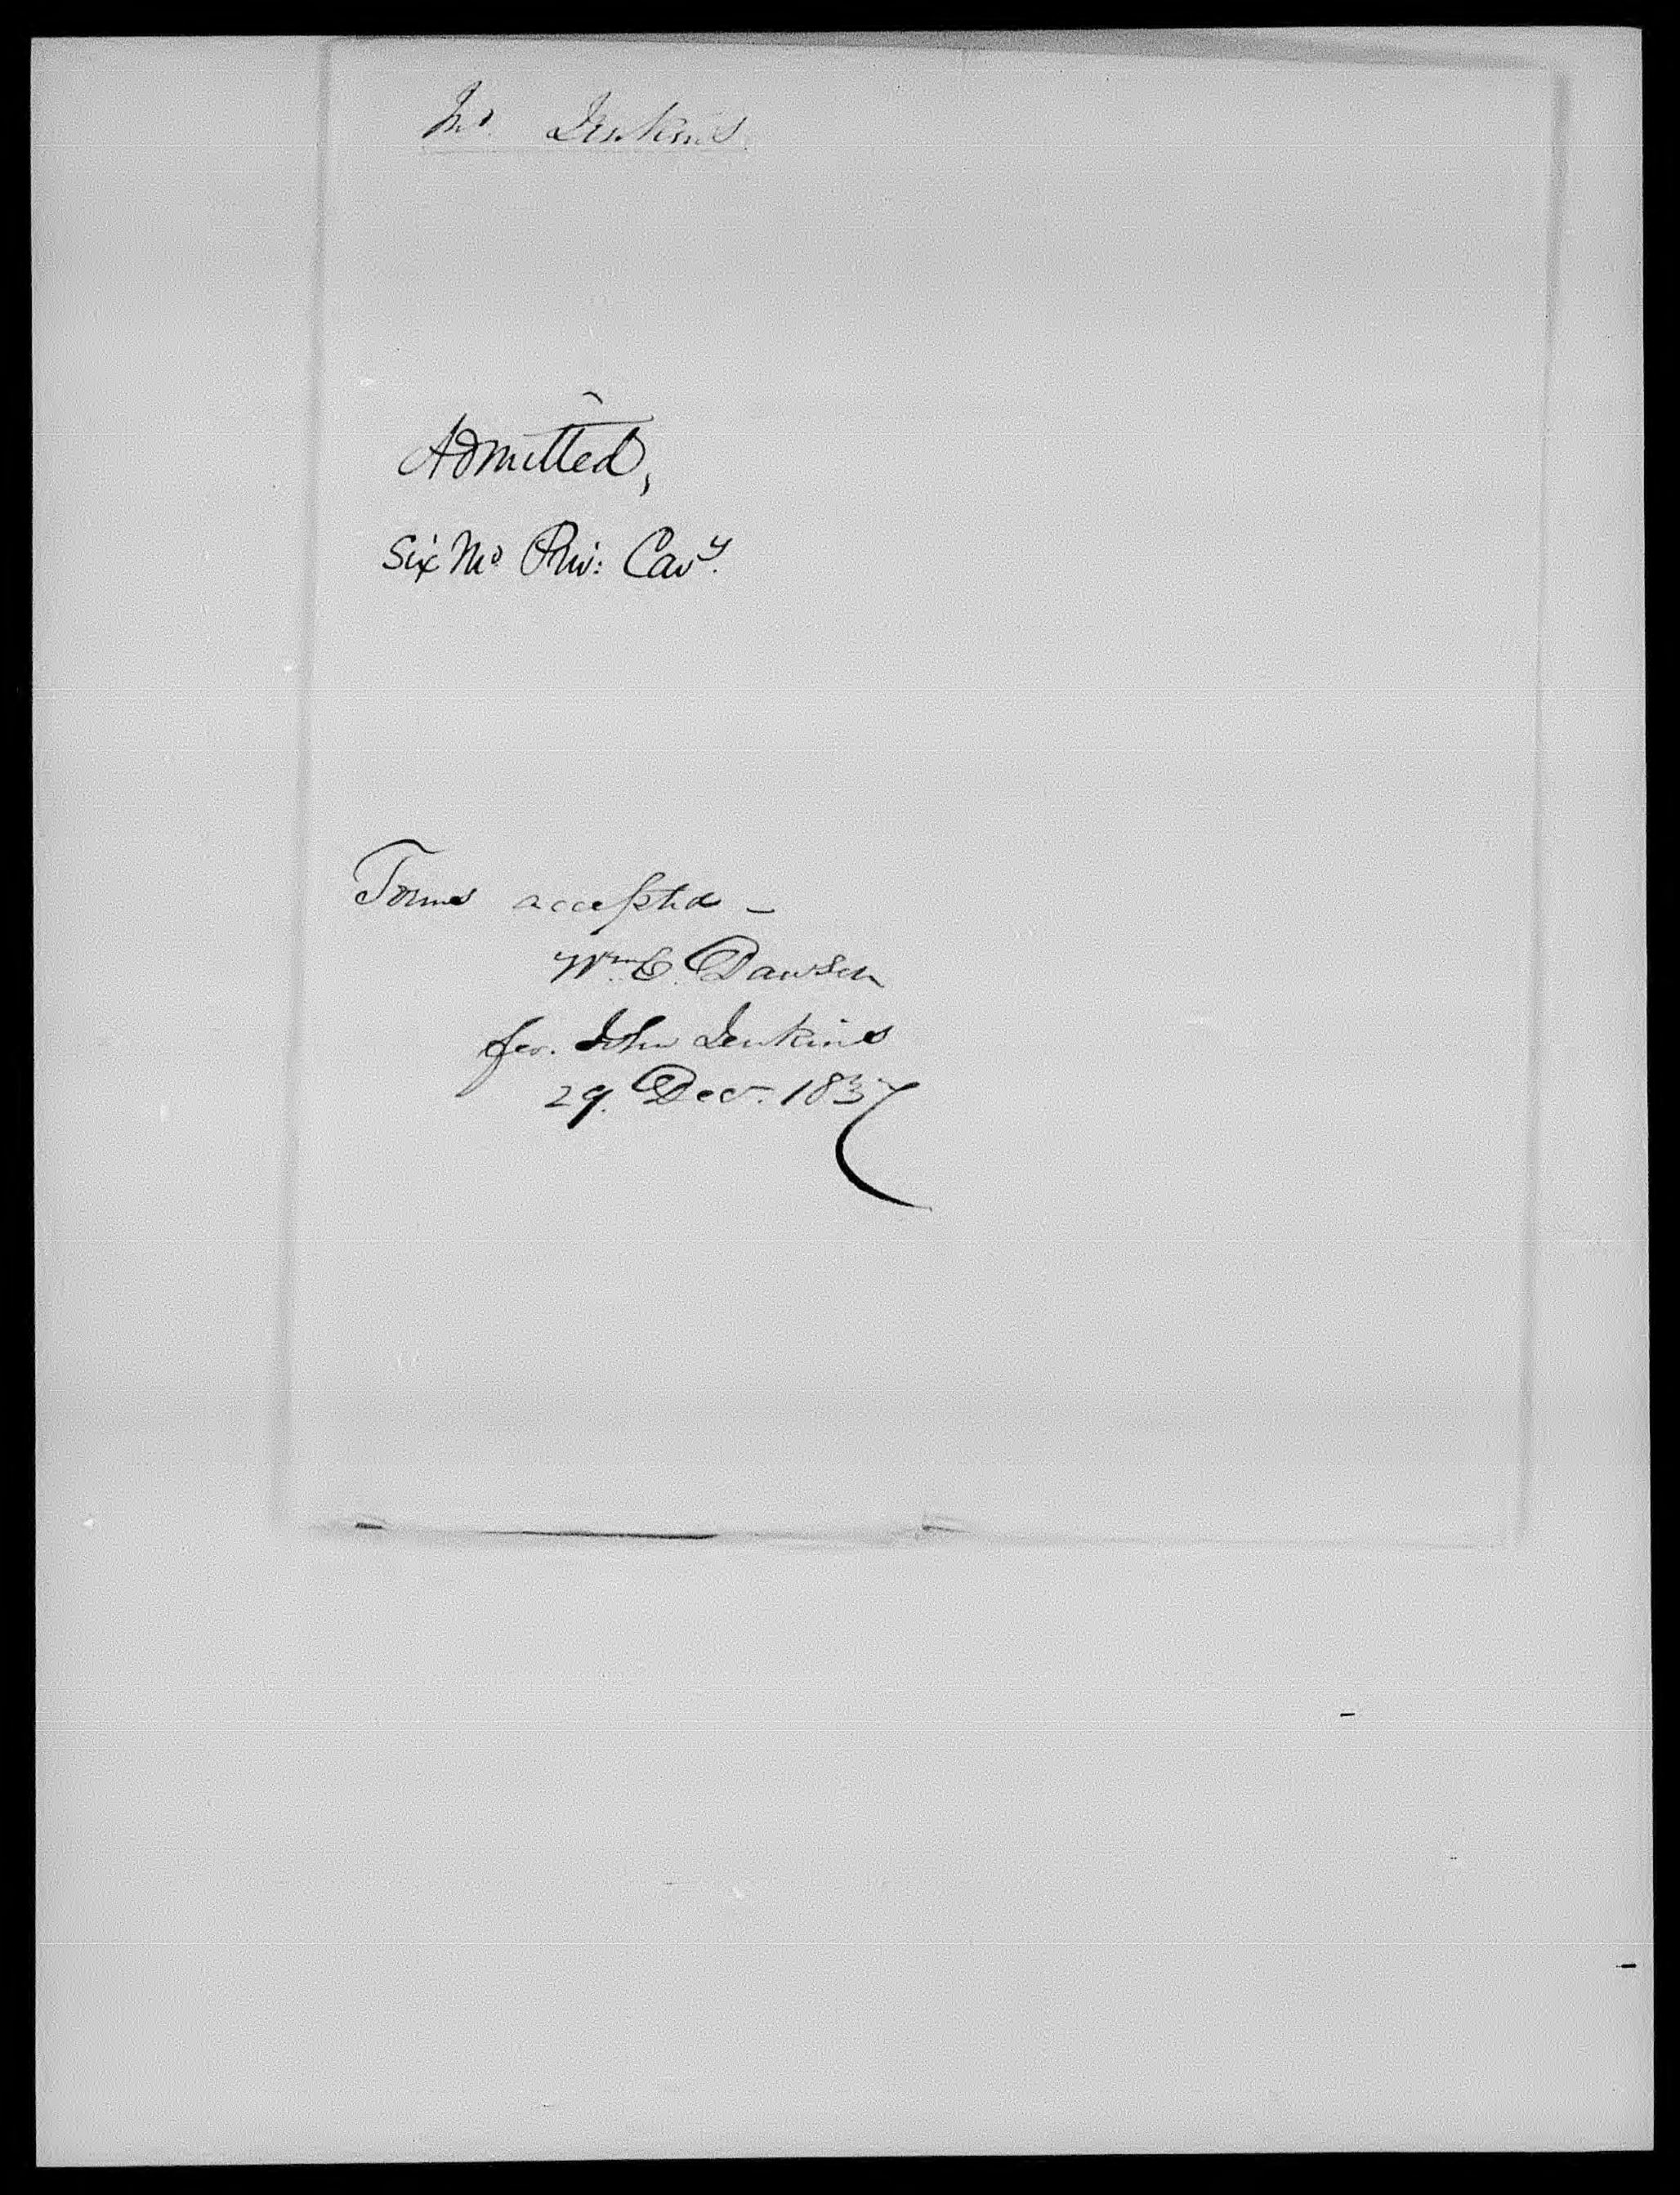J Jenkins
Admitted,
Six M Priv: Cavy.
Forms accepted
Wm. C. Dawson
for John Jenkins
29. Dec. 1837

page: 38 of 55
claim: widow's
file: W. 7894, for John Jenkins, Virginia